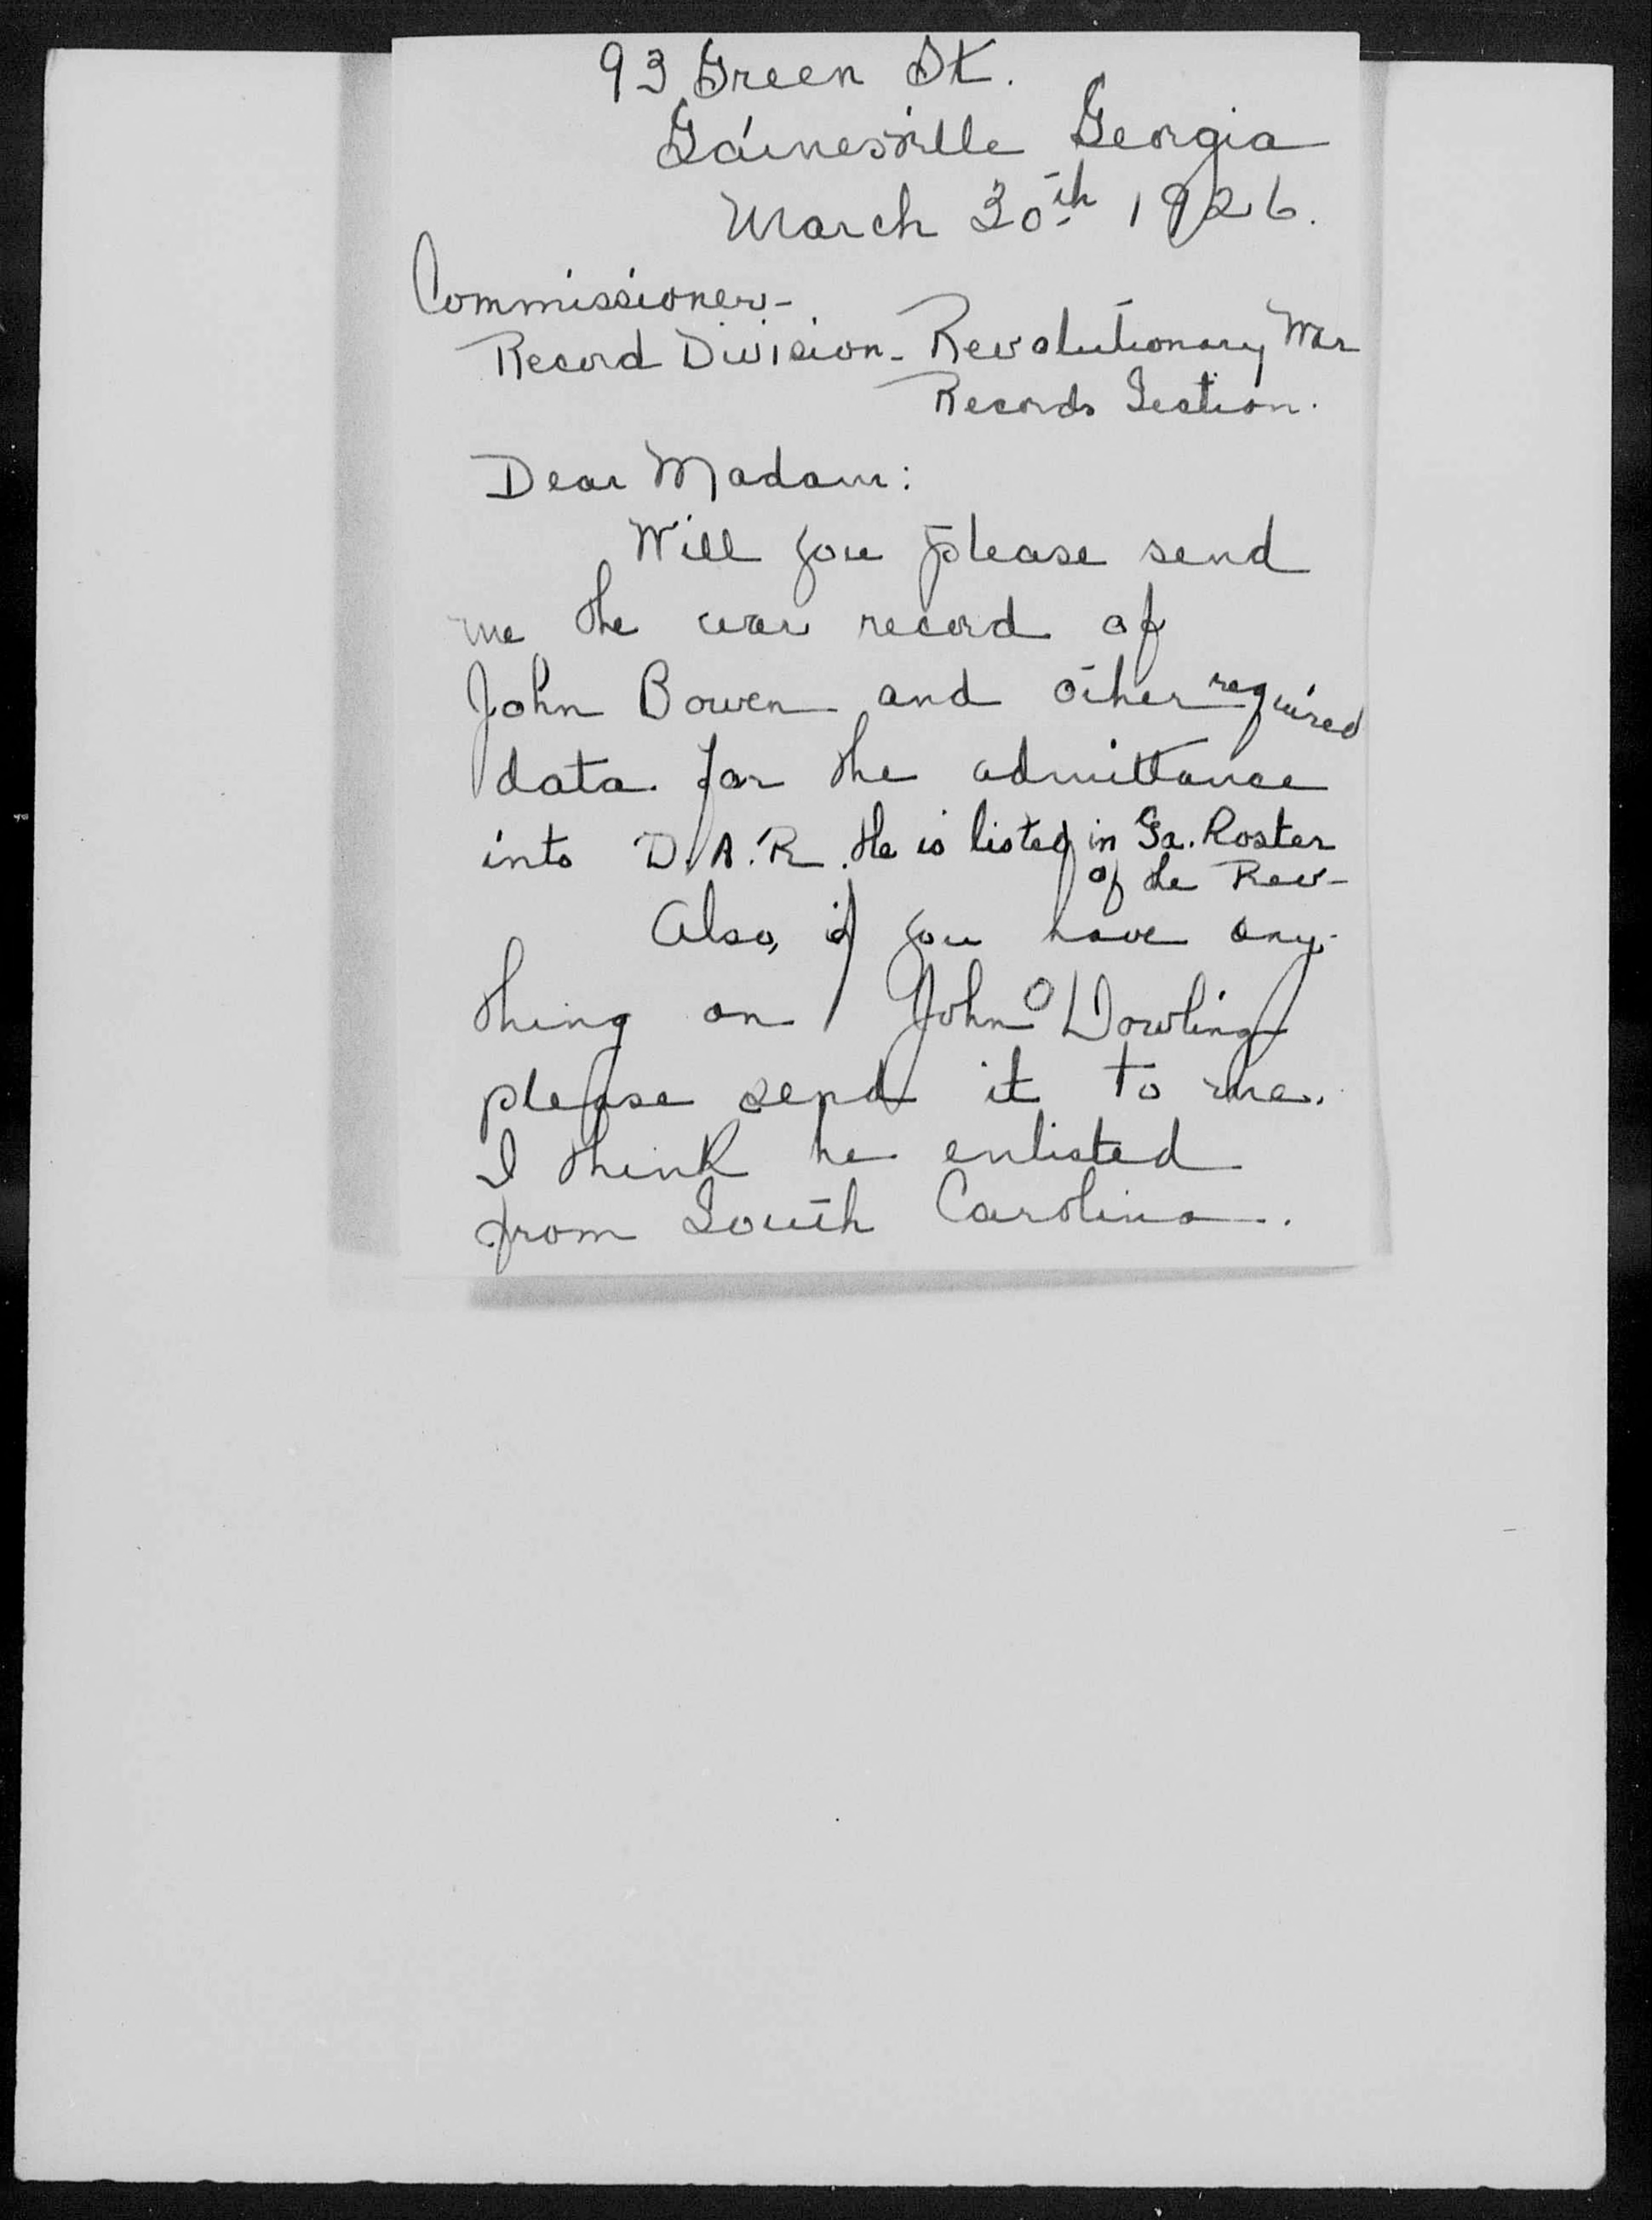93 Green St.
Gainesville Georgia
March 30th, 1926.

Commissioner--
Record Division--Revolutionary War Records Section.

Dear Madam:
Will you please send me the war record of John Bowen and other required data for the admittance into D. A. R. He is listed in Ga. Roster of the Rev-
Also, if you have anything on John Dowling please send it to me. I think he enlisted from South Carolina.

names: John Dowling, John Bowen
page: 12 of 20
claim: survivor's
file: S. 32,124, John Bowen, Va.